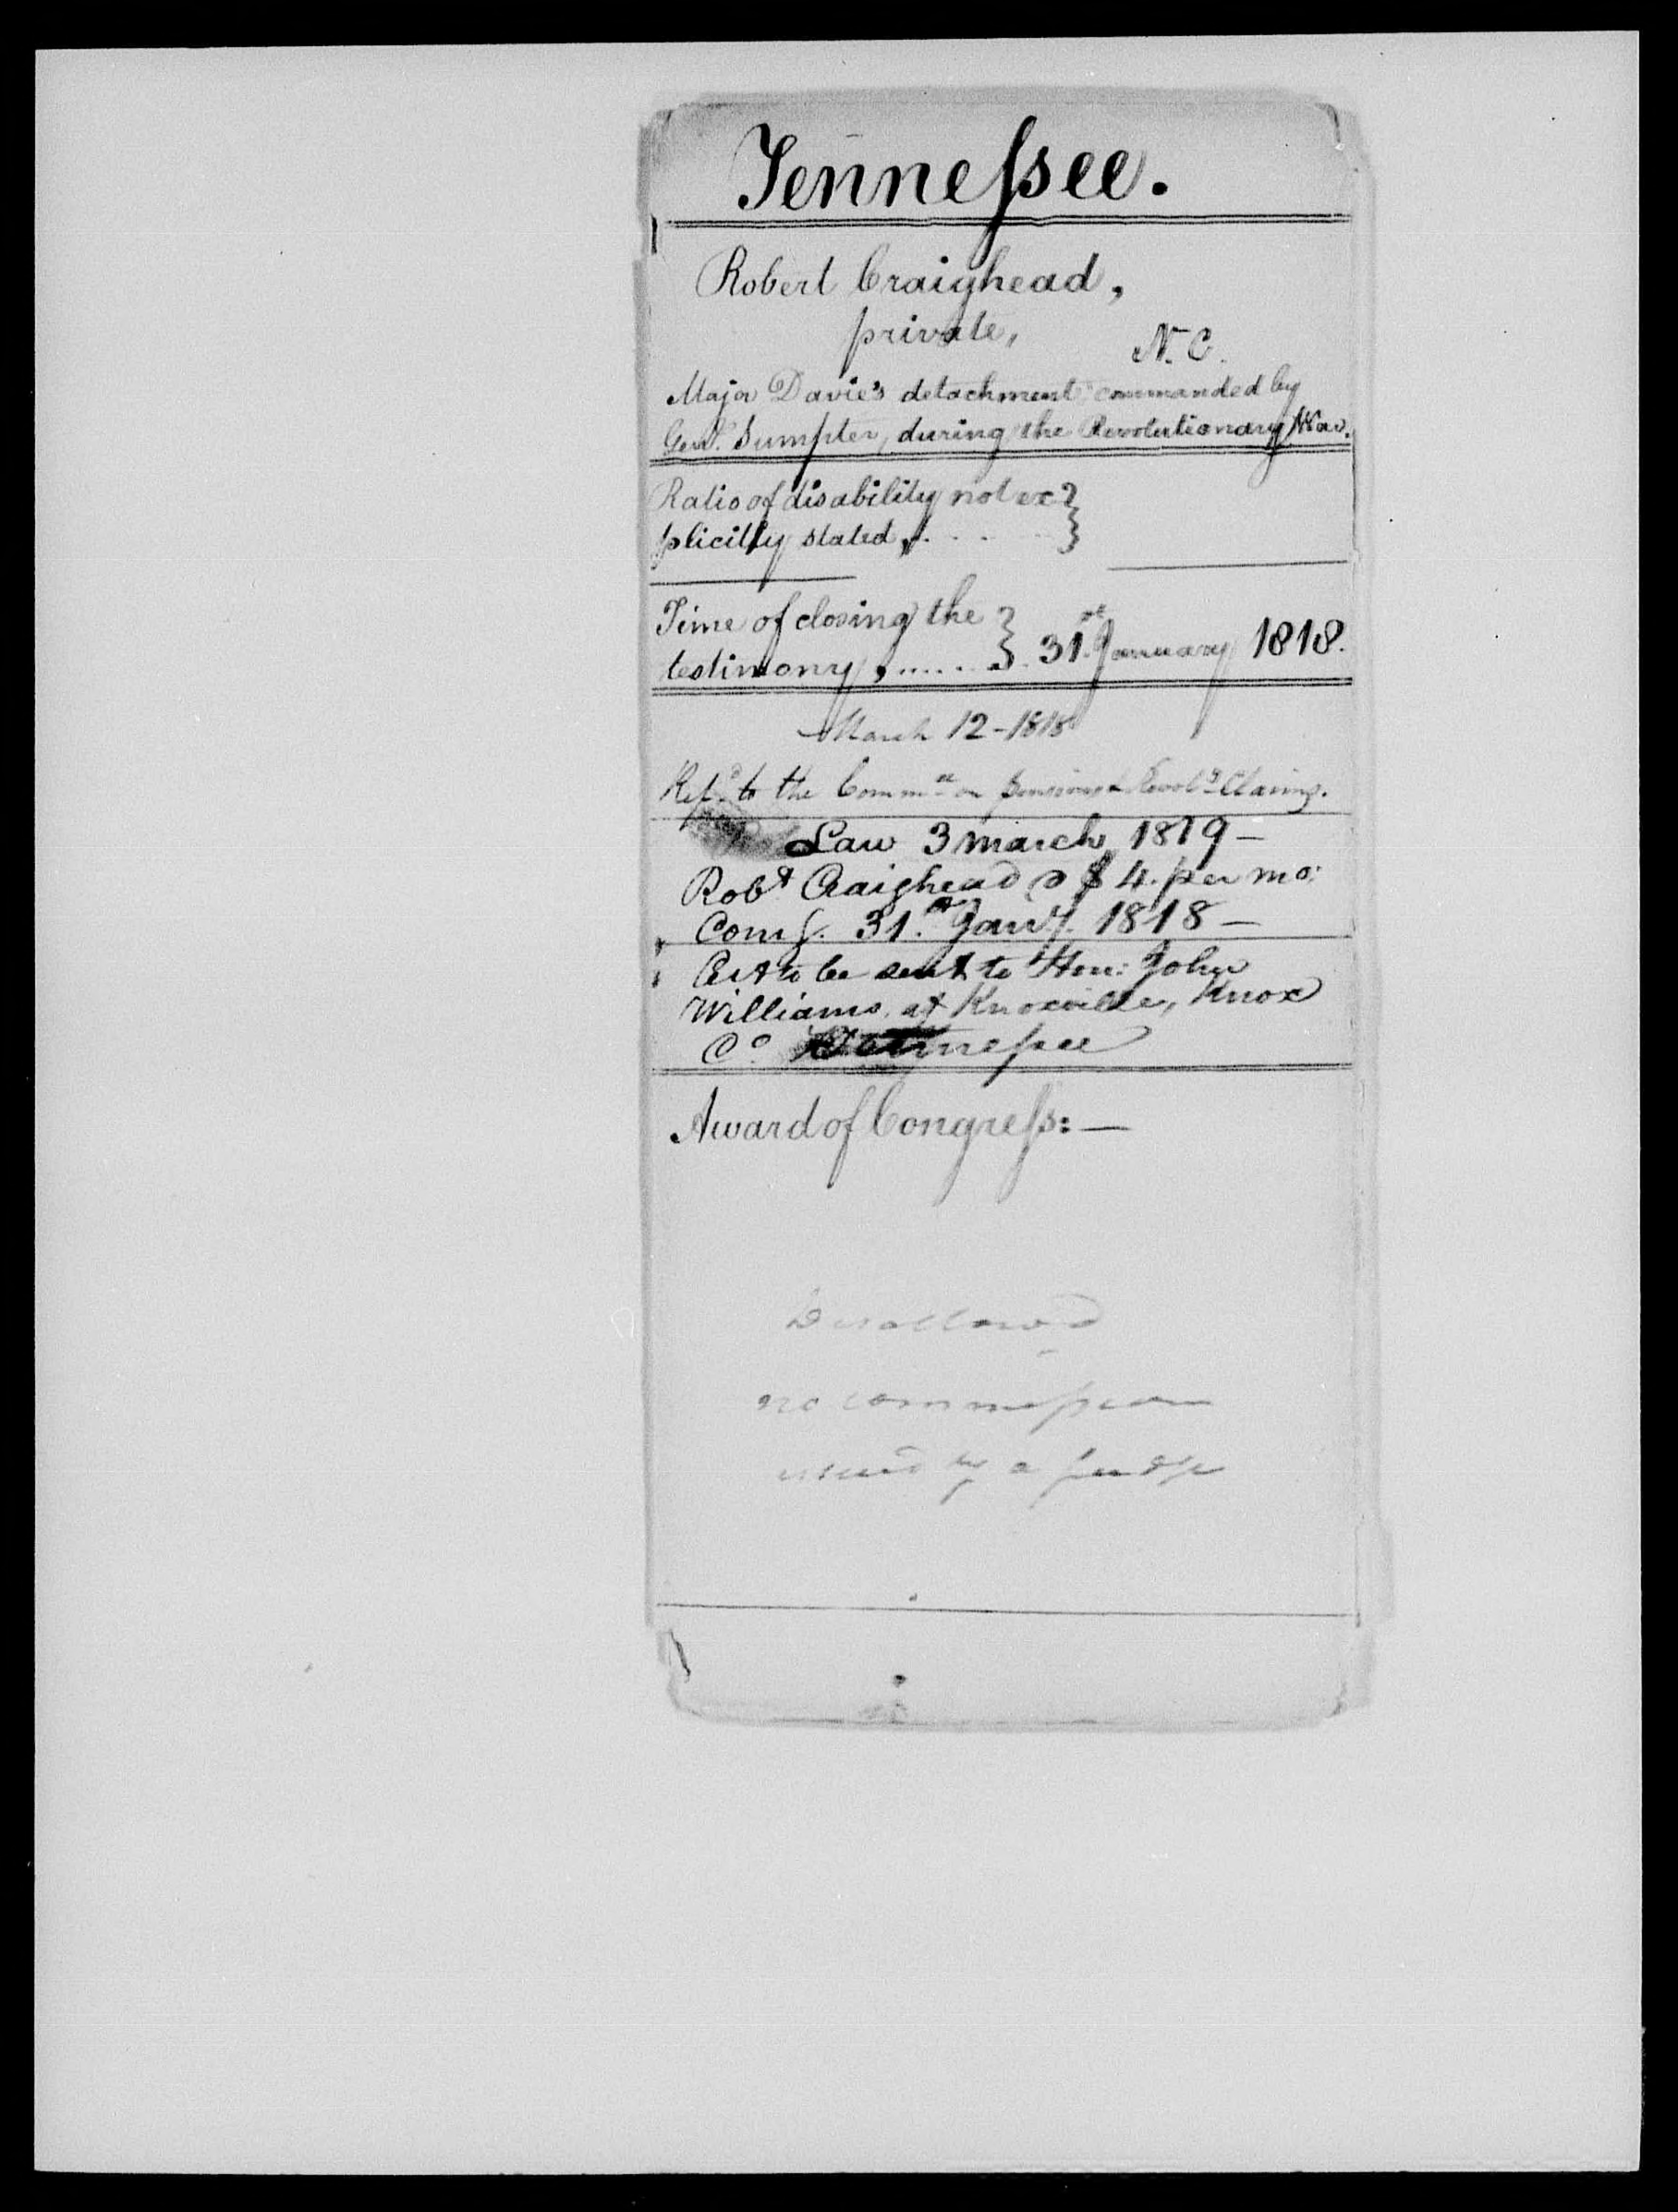Tennessee

Robert Craighead,
private, N.C.
Major Davie's detachment commanded by
Genl Sumpter, during the Revolutionary War
Ratio of Disability not explicitly stated...

Time of closing the ⎬
testimony
31 January 1818.
March 12.1818
Ref to the Comm on Pension Revol Claims
Law 3 March 1819-
Robt Craighead $4 per mo:
Comp. 31. Jany. 1818-
Cert to be sent to Honorable John
Williams, of Knoxville, Knox County
Tennessee
Award of Congress:
Disallowed
no commission
issued by a judge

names: Robert Craighead, Sumpter, John Williams, Davie, Robt Craighead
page: 14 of 26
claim: survivor's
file: S. 352, Robert Craighead, N.C.